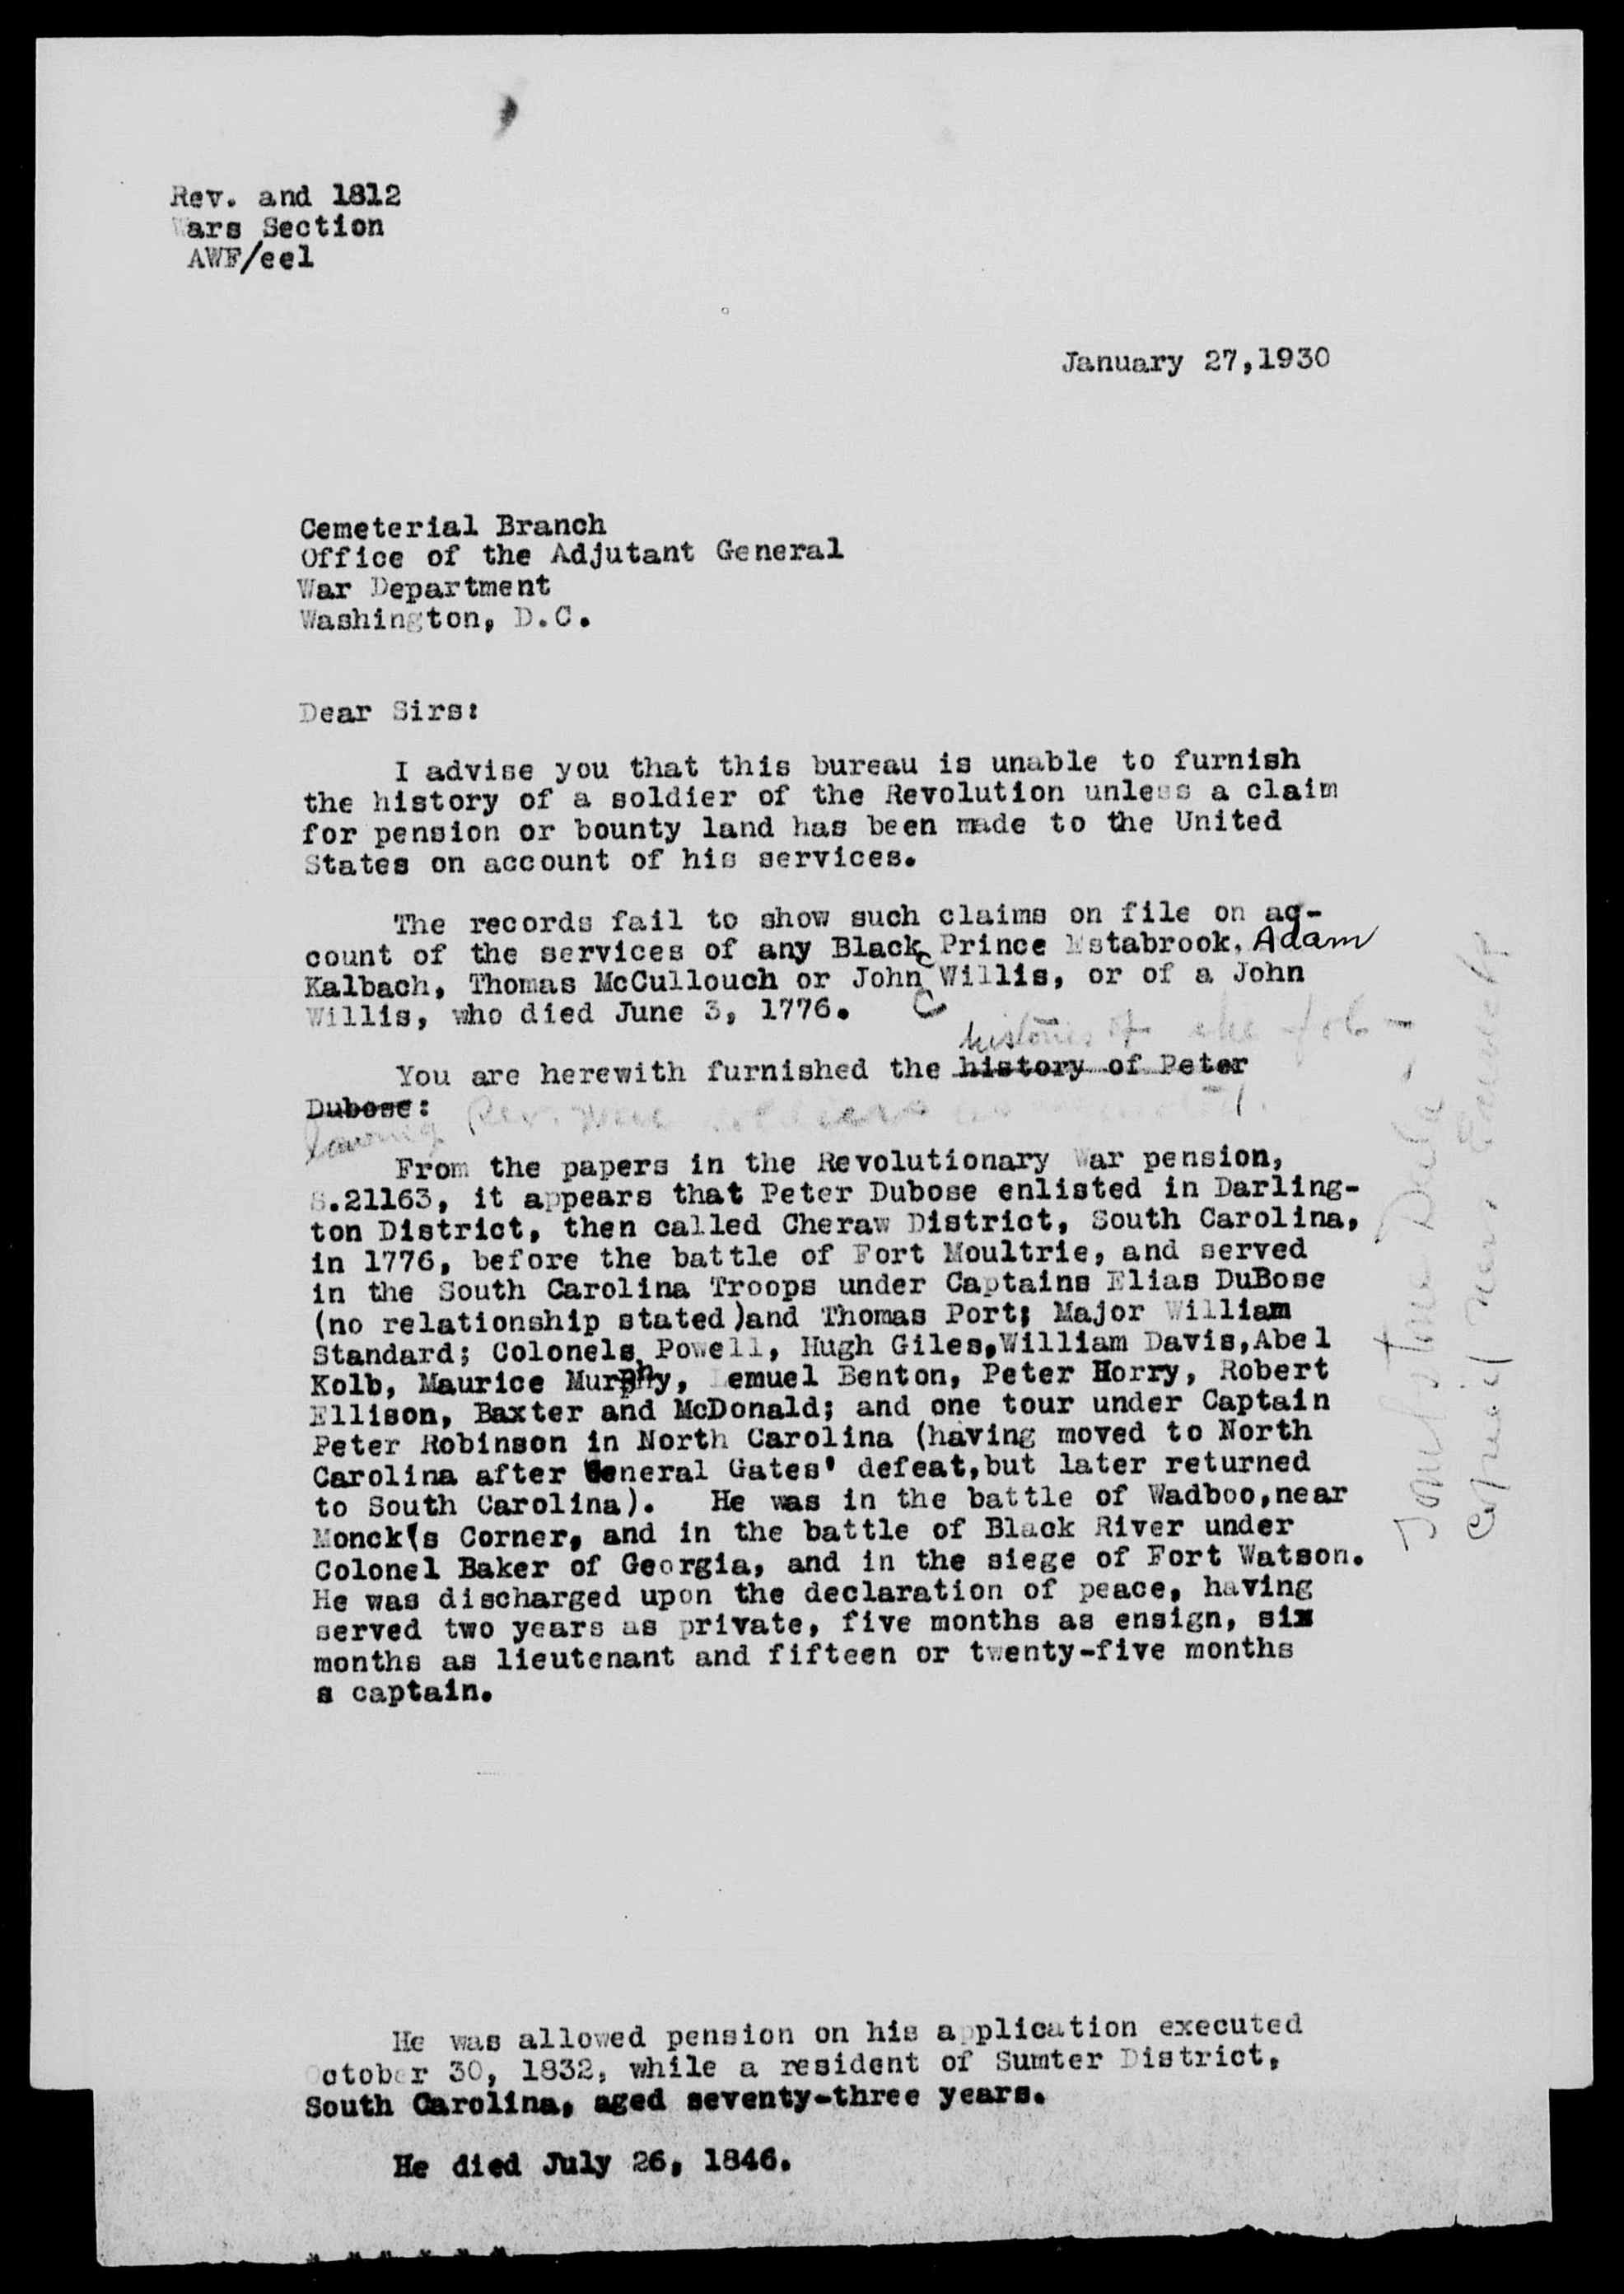[typed]

Rev. and 1812
Wars Section
AWF/eel

January 27, 1930

Cemeterial Branch
Office of the Adjutant General
War Department
Washington, D.C.

Dear Sirs:
I advise you that this bureau is unable to furnish the history of a soldier of the Revolution unless a claim for pension or bounty land has been made to the United States on account of his services.

The records fail to show such claims on file on account of the services of any Black Prince Estabrook, Adam Kalbach, Thomas McCullouch or John Willis, or of a John Willis, who died June 3, 1776.

You are herewith furnished the [history of Peter
Dubose:] [bracketed struck out and the following is handwritten] histories of the following Rev. War Soldiers as requested.

From the papers in the Revolutionary War pension, 5.21163, it appears that Peter Dubose enlisted in Darlington District, then called Cheraw District, South Carolina, in 1776, before the battle of Fort Moultrie, and served
in the South Carolina Troops under Captains Elias Dubose (no relationship stated) and Thomas Port, Major William Standard; Colonels Powell, Hugh Giles, William Davis, Abel
Kolb, Maurice Murphy, Lemuel Benton, Peter Horry, Robert Ellison, Baxter and McDonald; and one tour under Captain Peter Robinson in North Carolina (having moved to North Carolina after General Gates' defeat, but later returned to South Carolina). He was in the battle of Wadboo, near Monck's Corner, and in the battle of Black River under Colonel Baker of Georgia, and in the siege of Fort Watson.
He was discharged upon the declaration of peace, having served two years as private, five months as ensign, six months as lieutenant and fifteen or twenty-five months a captain.

He was allowed pension on his application executed October 30, 1832, while a resident of Sumter District, South Carolina, aged seventy-three years.

He died July 26, 1846.
[handwritten in right margin] 
Tonifston Dala
copied rev. Eardek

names: John Willis, William Standard, Adam Kalbach, William Davis, Abel Kolb, Robert Ellison, Gates, Powell, Peter Dubose, Thomas Mc Cullouch, Peter Robinson, Elias Du Bose, Baker, Lemuel Benton, Hugh Giles, John Willis, Mc Donald, Peter Dubose, Thomas Port, Baxter, Maurice Murphy, Peter Horry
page: 41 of 43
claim: survivor's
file: S. 21163, Peter Dubose, S.C.